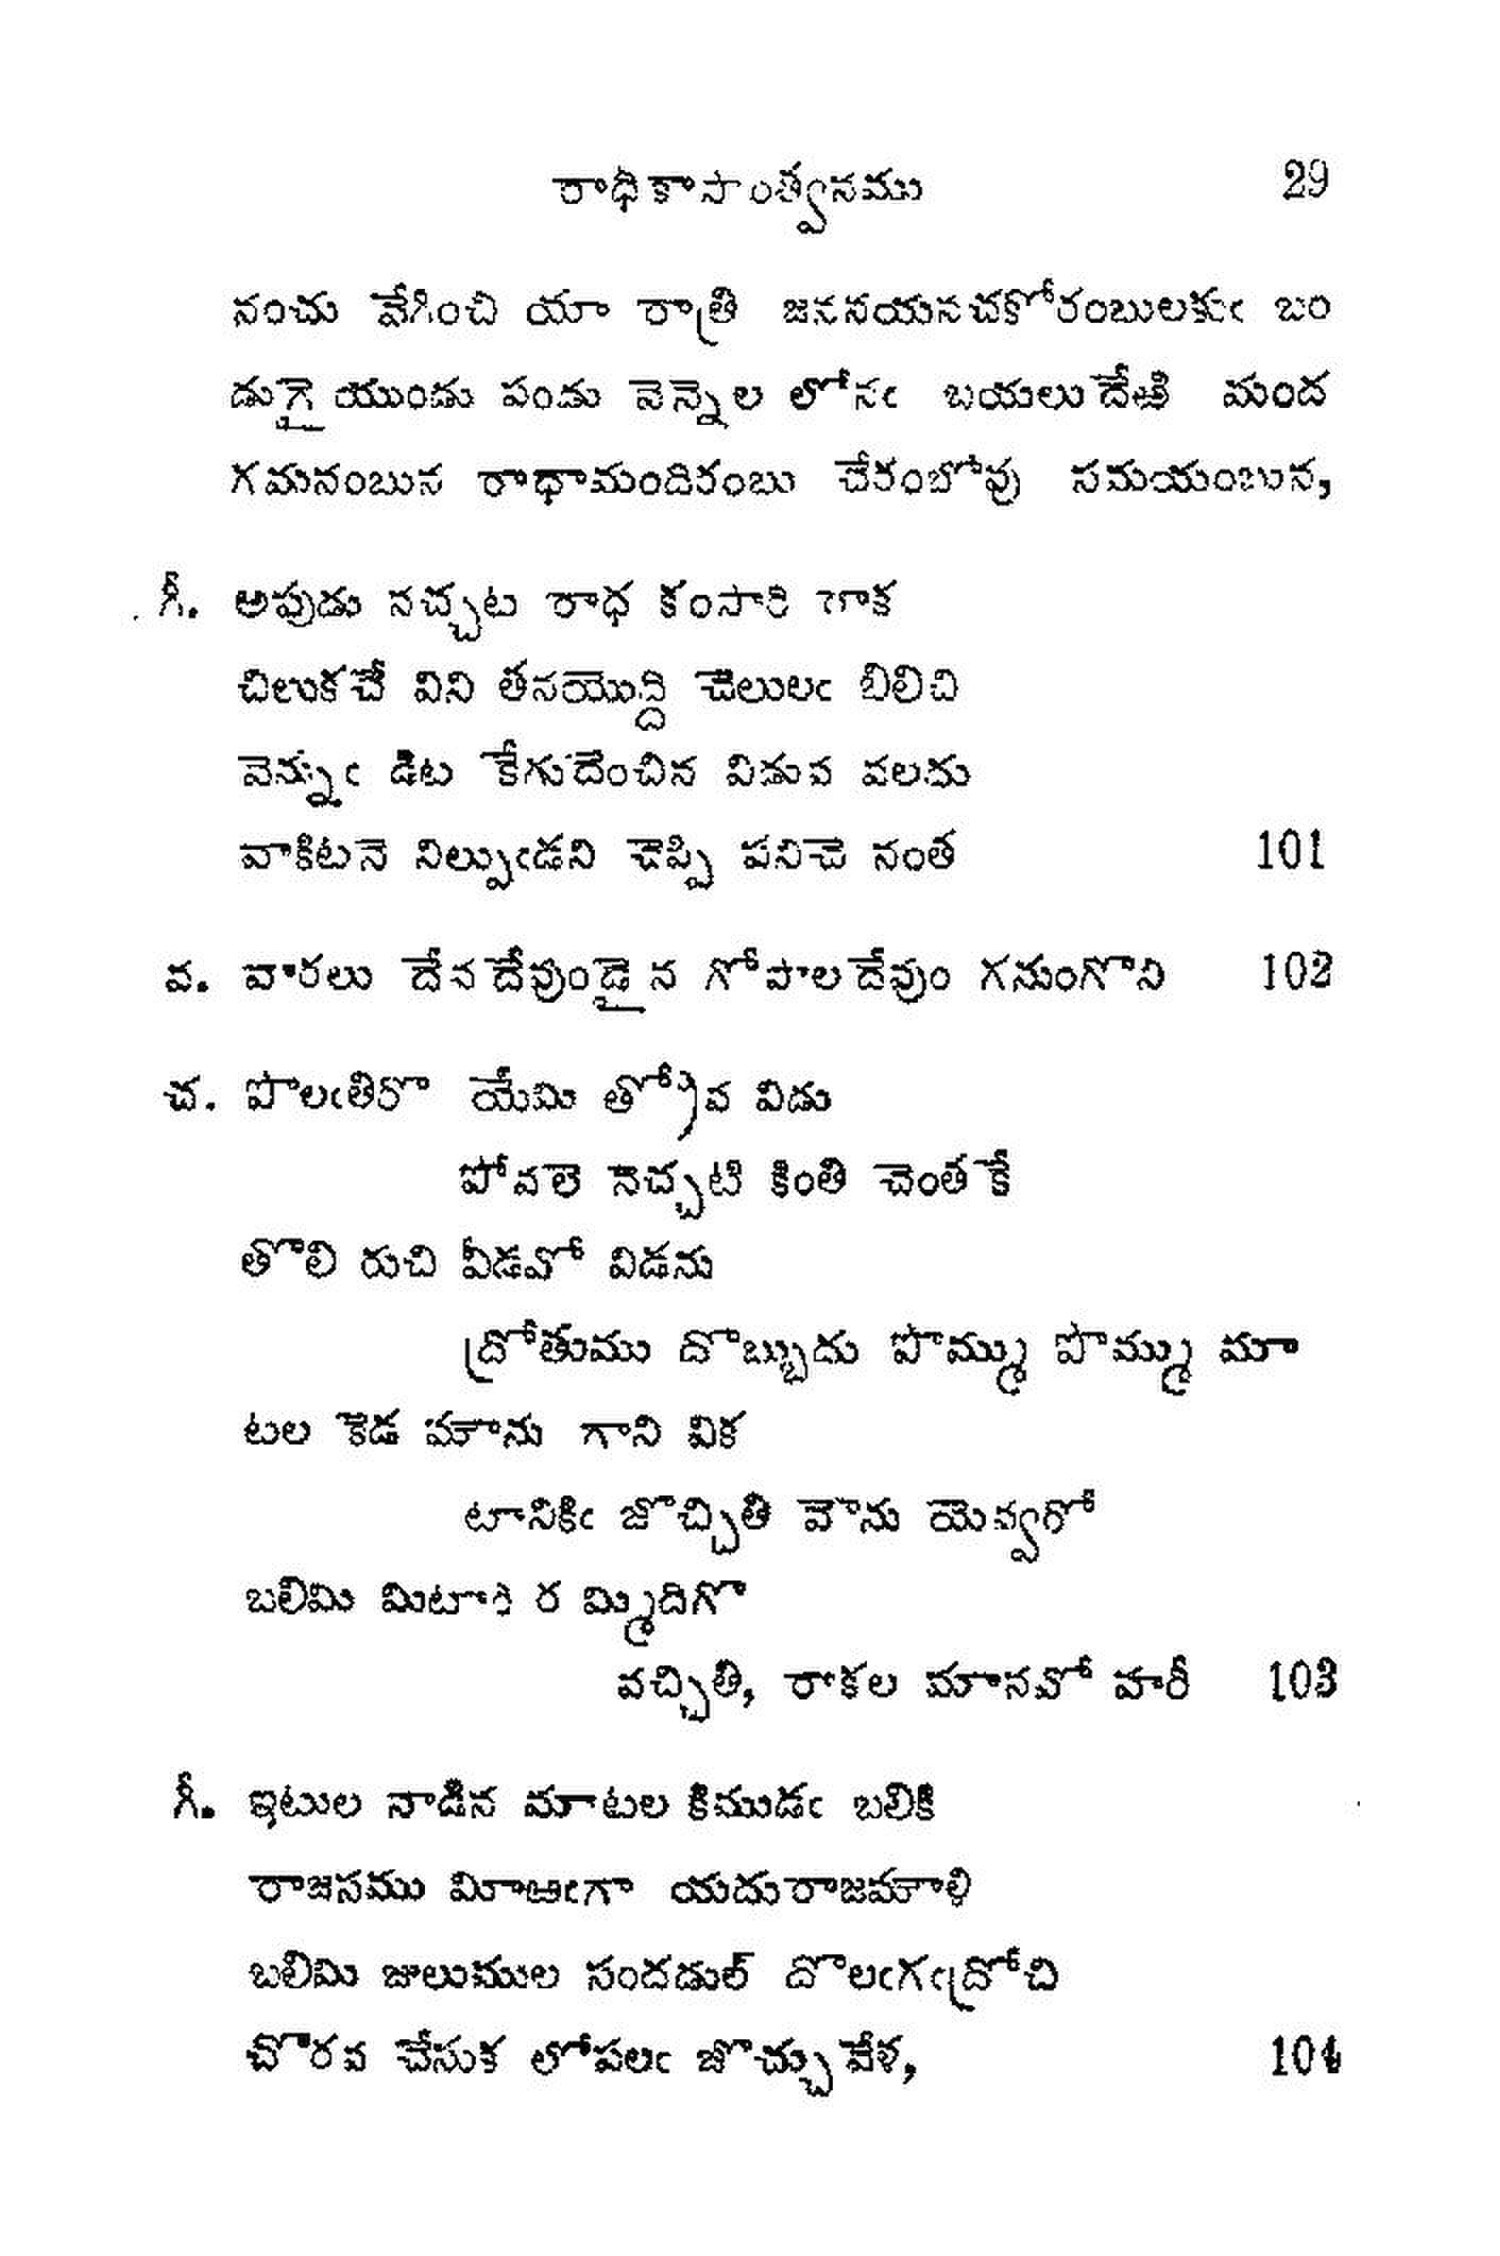నంచు వేగించి యా రాత్రి జననయనచకోరంబులకుఁ బండుగై యుండు పండువెన్నెలలోనఁ బయలుదేఱి మందగమనంబున రాధామందిరంబు చేరంబోవు సమయంబున,

గీ. అపుడు నచ్చట రాధ కంసారి రాక
చిలుకచే విని తనయొద్ధి చెలులఁ బిలిచి
నెన్నుఁ డిట కేగుదెంచిన విడువ వలదు
వాకిటనె నిల్పుఁడని చెప్పి పనిచె నంత. 101

వ. వారలు దేవదేవుండైన గోపాలదేవుం గనుంగొని. 102

చ. పొలతి యేమి త్రోవ విడు పోవలె నెచ్చటి కింతిచెంత కే
తొలి రుచి వీడవో విడను ద్రోతుము దొబ్బుదు పొమ్ము పొమ్ము మా
టల కెడ మౌను గాని వికటానికిఁ జొచ్చితి వౌను యెవ్వరో
బలిమి మిటారి ర మ్మిదిగొ వచ్చితి, రాకల మానవో హరీ. 108

గీ. ఇటుల నాడిన మాటల కిముడఁ బలికి
రాజసము మీఱఁగా యదురాజమౌళి
బలిమి జులుముల సందడుల్ దొలఁగఁద్రోచి
చొరవ చేసుక లోపలఁ జొచ్చువేళ. 104